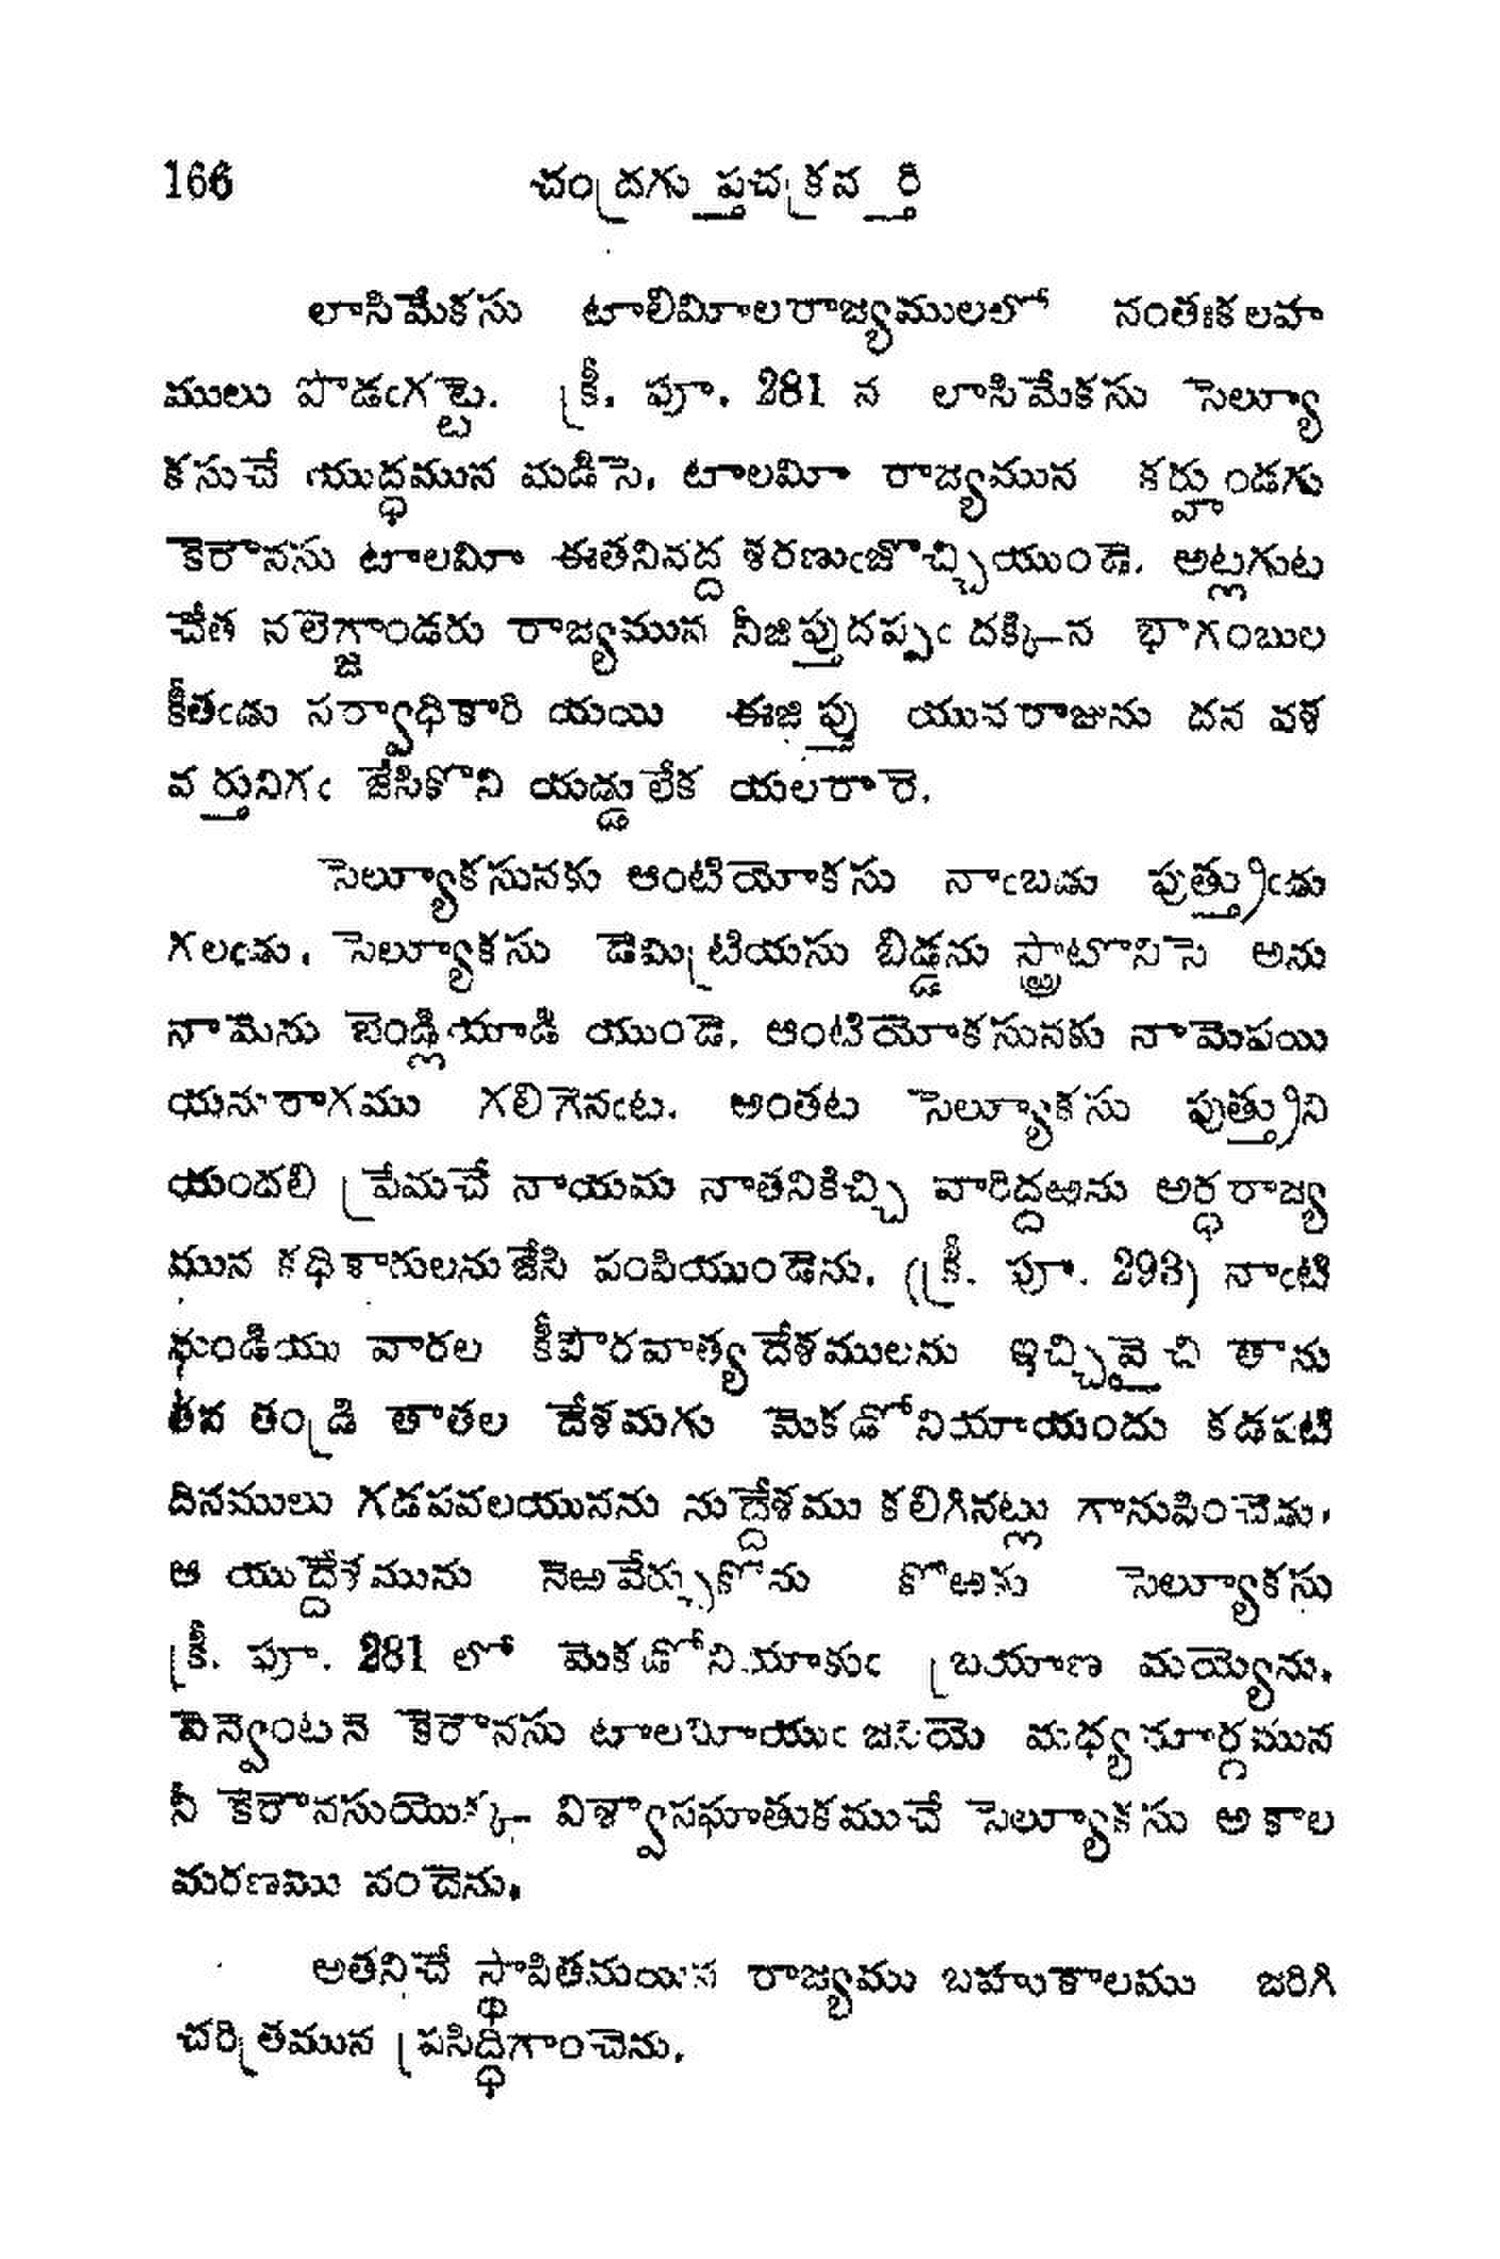లాసిమేకసు టాలిమీలరాజ్యములలో నంతఃకలహములు పొడఁగట్టె. క్రీ. పూ. 281 న లాసిమేకసు సెల్యూకసుచే యుద్ధమున మడిసె. టాలమీ రాజ్యమున కర్హుండగు కెరౌనసు టాలమీ ఈతనివద్ద శరణుజొచ్చియుండె. అట్లగుట చేత నలెగ్జాండరు రాజ్యమున నీజిప్తుదప్పఁ దక్కిన భాగంబుల కీతఁడు సర్వాధికారి యయి ఈజిప్తు యువరాజును దన వశ వర్తునిగఁ జేసికొని యడ్డులేక యలరారె. ,

సెల్యూకసునకు ఆంటియోకసు నాఁబడు పుత్రుఁడు గలఁడు. సెల్యూకసు డెమిట్రియసు బిడ్డను స్ట్రాటొనిసె అను నామెను బెండ్లియాడి యుండె. ఆంటియోకసునకు నామెపయి యనురాగము గలిగెనఁట. అంతట సెల్యూకసు పుత్త్రుని యందలి ప్రేమచే నాయమ నాతనికిచ్చి వారిద్దఱను అర్థ రాజ్యమున కధికారులను జేసి పంపియుండెను. (క్రీ. పూ. 293) నాఁటి నుండియు వారల కీపౌరవాత్యదేశములను ఇచ్చివైచి తాను తన తండ్రి తాతల దేశమగు మెకడోనియాయందు కడపటి దినములు గడపవలయునను నుద్దేశము కలిగినట్లు గానుపించెడు. ఆ యుద్దేశమును నెఱవేర్చుకొను కొఱకు సెల్యూకసు క్రీ. పూ. 281 లో మెకడోనియాకుఁ బ్రయాణ మయ్యెను. వెన్వెంటనె కెరౌనసు టాలమీయుఁ జనియె మధ్య మార్గమున నీ కెరౌనసుయొక్క. విశ్వాసఘాతుకముచే సెల్యూకసు అకాల మరణము నందెను.

అతనిచే స్థాపితమయిన రాజ్యము బహుకాలము జరిగి చరిత్రమున ప్రసిద్ధిగాంచెను,